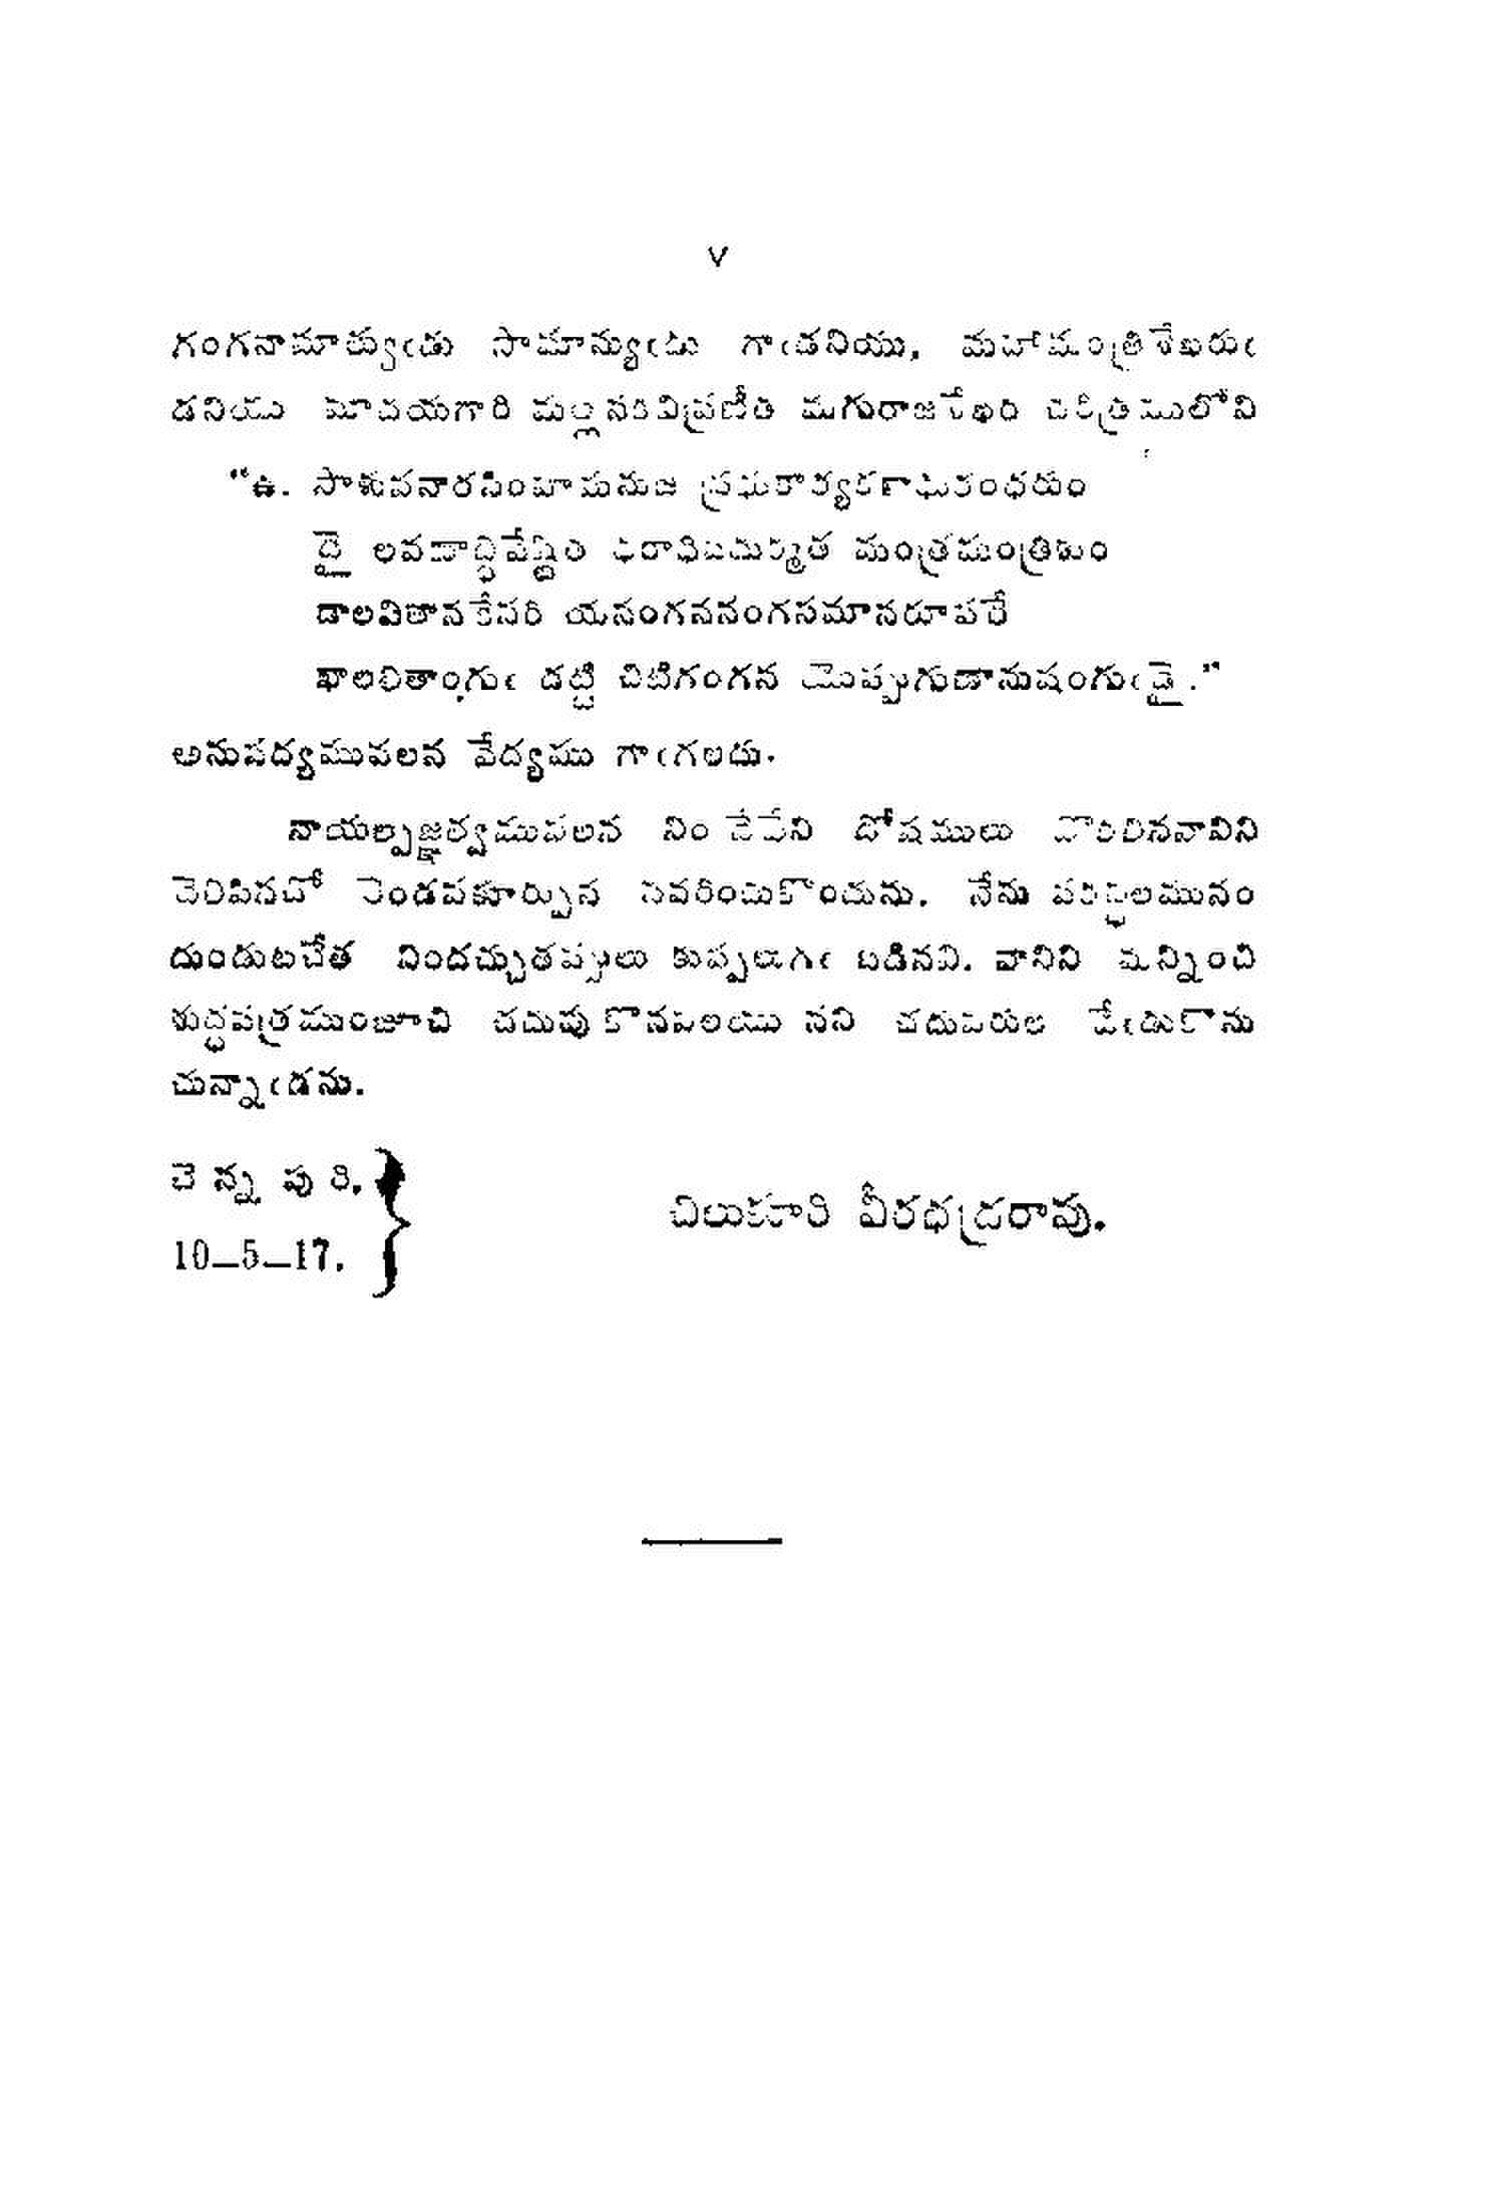గంగనామాత్యుఁడు సామాన్యుఁడు గాఁడనియు, మహామంత్రిశేఖరుఁడనియు మాచయగారి మల్లనకవిప్రణీత మగురాజశేఖర చరిత్రములోని 

"ఉ. సాళువనారసింహమనుజ ప్రభుకార్యకాళాధురంధరుం
 డై లవణాబ్దివేష్టిత ధరాదిపదుర్మత మంత్రమంత్రిశుం 
 డాలవితానకేసరి యనంగననంగసమానరూపరే
 ఖాలలితాంగుఁ డట్టి చిటిగంగన యొప్పుగుణానుషంగుఁడై." 

అనుపద్యమువలన వేద్యము గాఁగలదు.

నాయల్పజ్ఞత్వమువలన నిం దేవేని దోషములు దొరలినవానిని దెలిపినచో రెండవకూర్పున సవరించుకొందును. నేను పరస్థలమునం దుండుటచేత నిందచ్చుతప్పులు కుప్పలుగఁ బడినవి. వానిని మన్నించి శుద్దపత్రముంజూచి చదువుకొనవలయు నని చదువరుల వేఁడుకొనుచున్నాఁడను.

చెన్నపురి.

10 - 5 - 17.